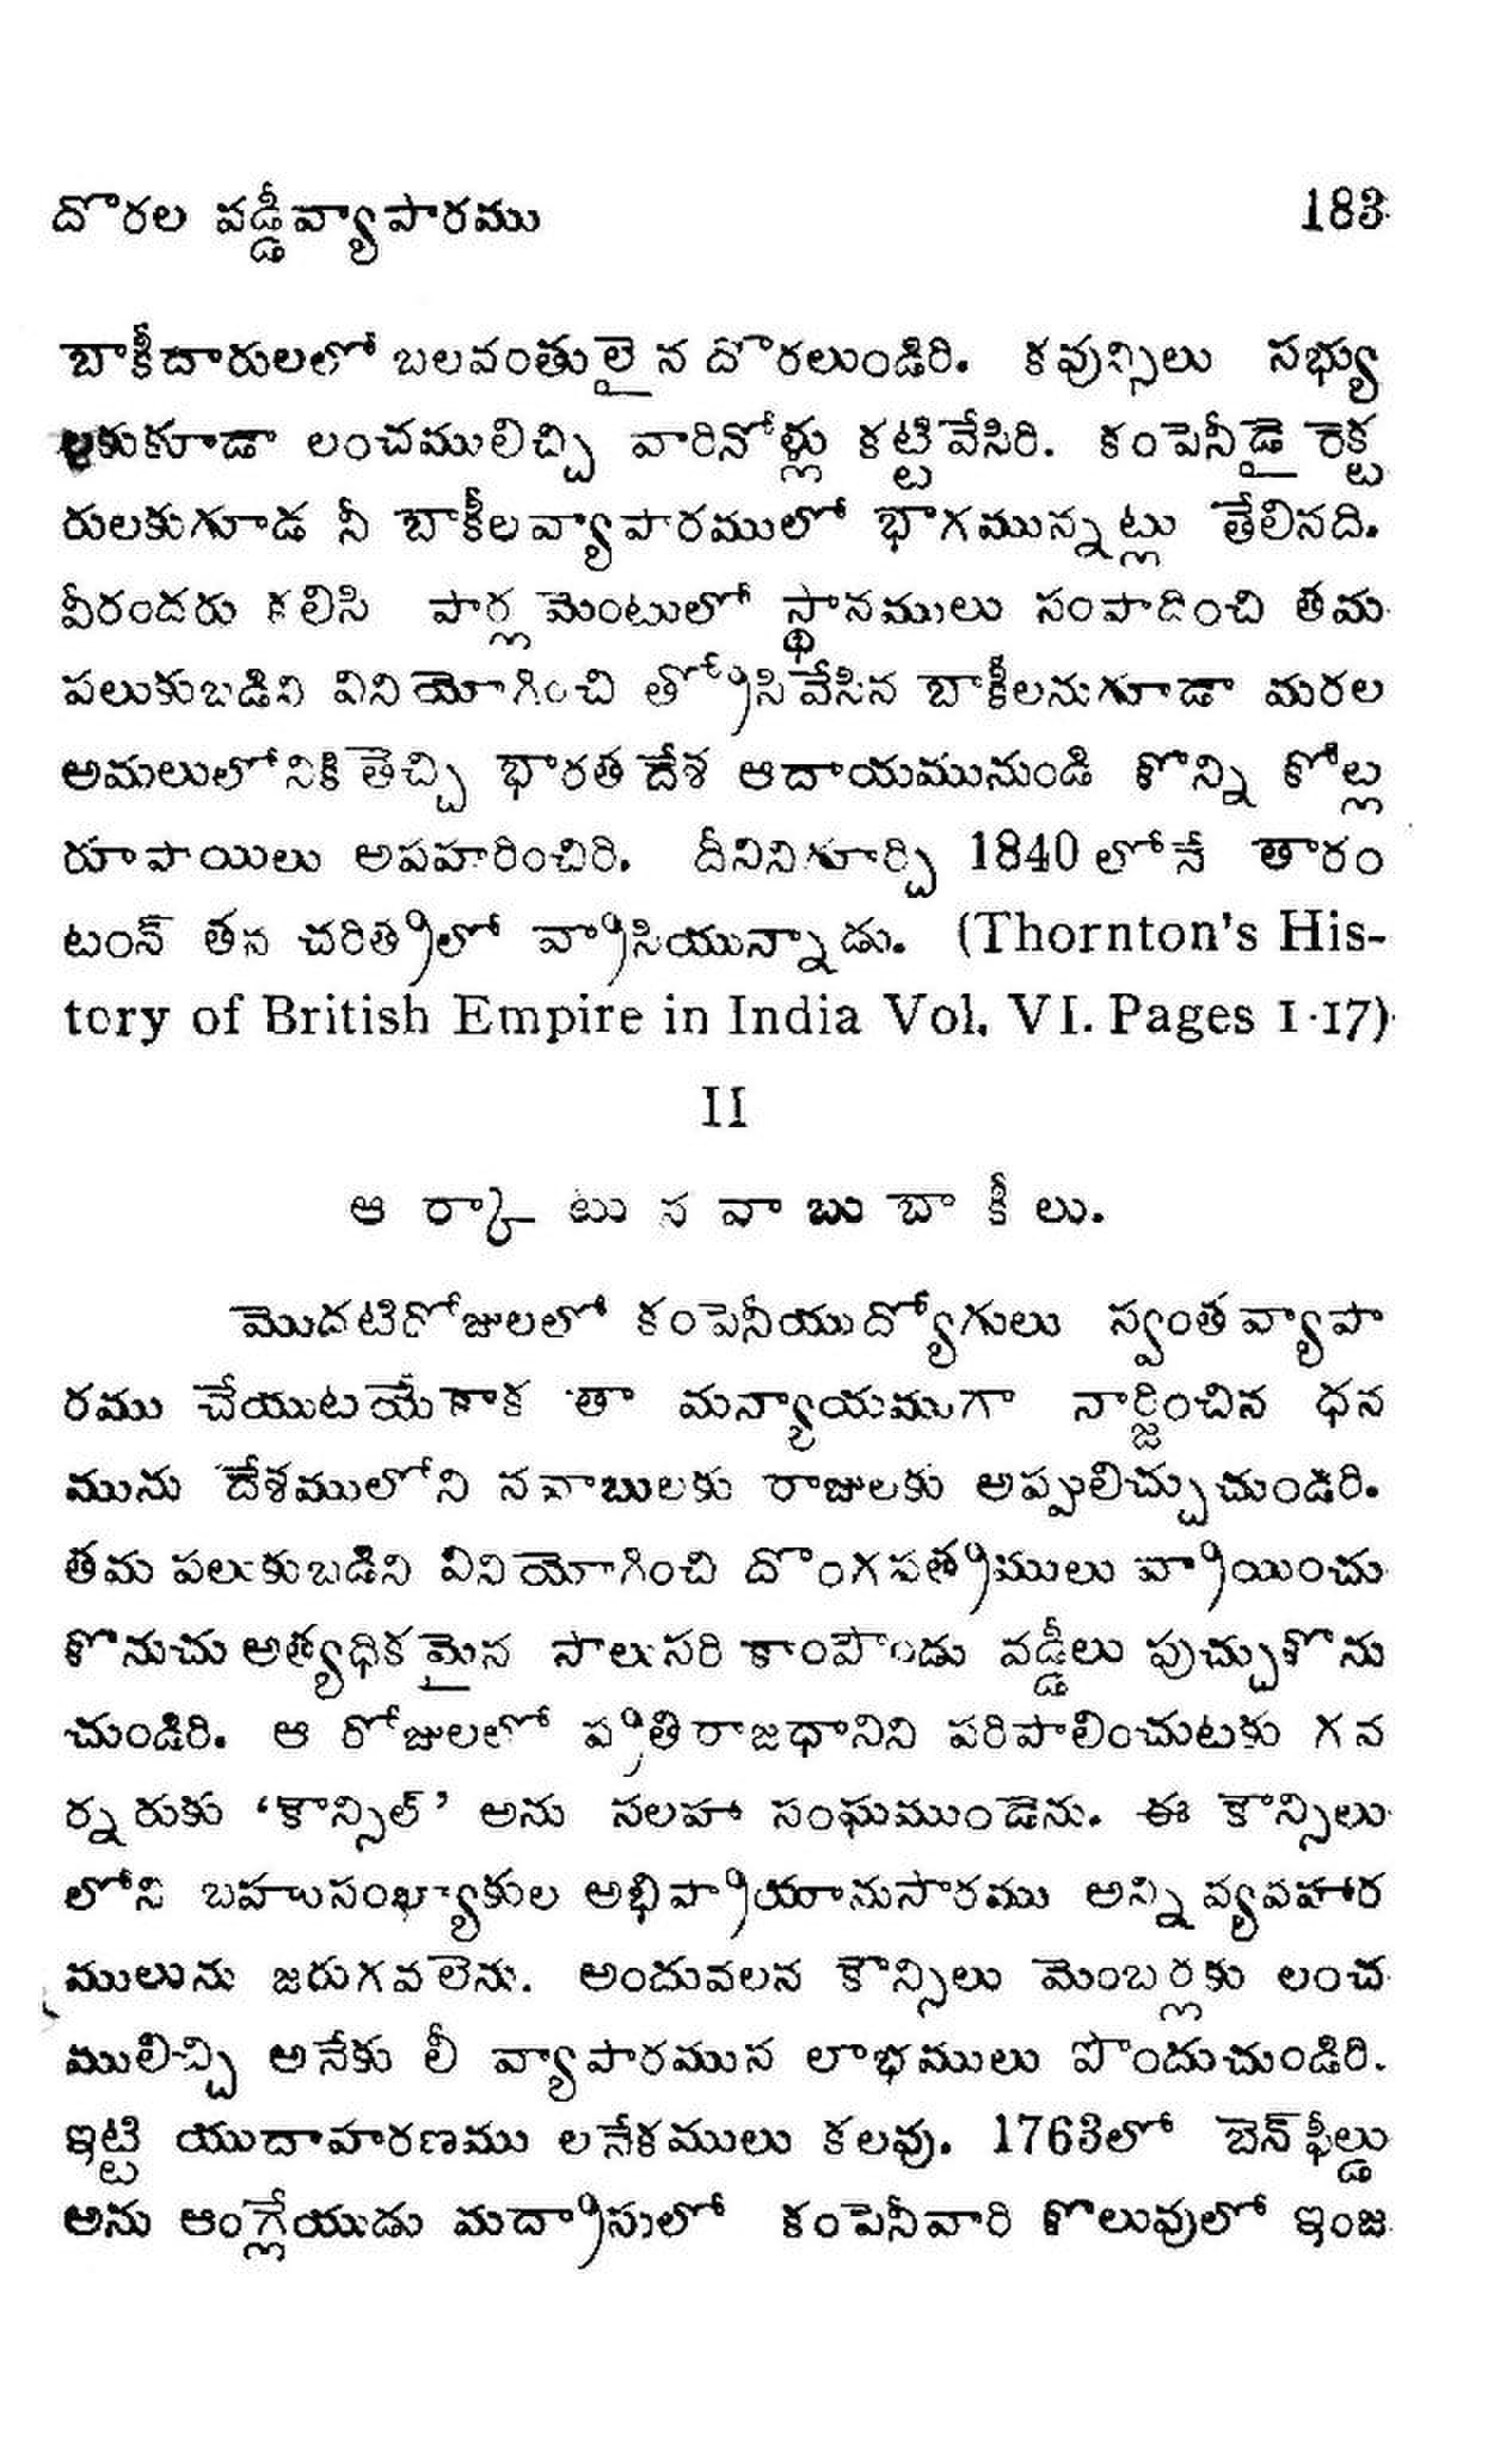బాకీదారులలో బలవంతులైన దొరలుండిరి. కవున్సిలు సభ్యులకుకూడా లంచములిచ్చి వారినోళ్లు కట్టివేసిరి. కంపెనీ డైరెక్టరులకుగూడ నీ బాకీలవ్యాపారములో భాగమున్నట్లు తేలినది. వీరందరు కలిసి పార్ల మెంటులో స్థానములు సంపాదించి తమ పలుకుబడిని వినియోగించి త్రోసివేసిన బాకీలను గూడా మరల అమలులోనికి తెచ్చి భారతదేశ ఆదాయమునుండి కొన్ని కోట్ల రూపాయిలు అపహరించిరి. దీనిని గూర్చి 1840 లోనే తారంటంన్ తన చరిత్రలో వ్రాసియున్నాడు. (Thornton's History of British Empire in India Vol. VI. Pages 1-17)

II 
ఆర్కాటునవాబు బాకీలు.

మొదటిరోజులలో కంపెనీయుద్యోగులు స్వంతవ్యాపారము చేయుటయేకాక తా మన్యాయముగా నార్జించిన ధనమును దేశములోని నవాబులకు రాజులకు అప్పులిచ్చుచుండిరి. తమ పలుకుబడిని వినియోగించి దొంగపత్రములు వ్రాయించుకొనుచు అత్యధికమైన సాలుసరి కాంపౌండు వడ్డీలు పుచ్చుకొనుచుండిరి. ఆ రోజులలో ప్రతిరాజధానిని పరిపాలించుటకు గనర్నరుకు 'కౌన్సిల్ ' అను సలహా సంఘముండెను. ఈ కౌన్సిలులోని బహుసంఖ్యాకుల అభిప్రాయానుసారము అన్ని వ్యవహారములును జరుగవలెను. అందువలన కౌన్సిలు మెంబర్లకు లంచములిచ్చి అనేకు లీ వ్యాపారమున లాభములు పొందుచుండిరి. ఇట్టి యుదాహరణము లనేకములు కలవు. 1763లో బెన్‌ఫీల్డు అను ఆంగ్లేయుడు మద్రాసులో కంపెనీవారి కొలువులో ఇంజ